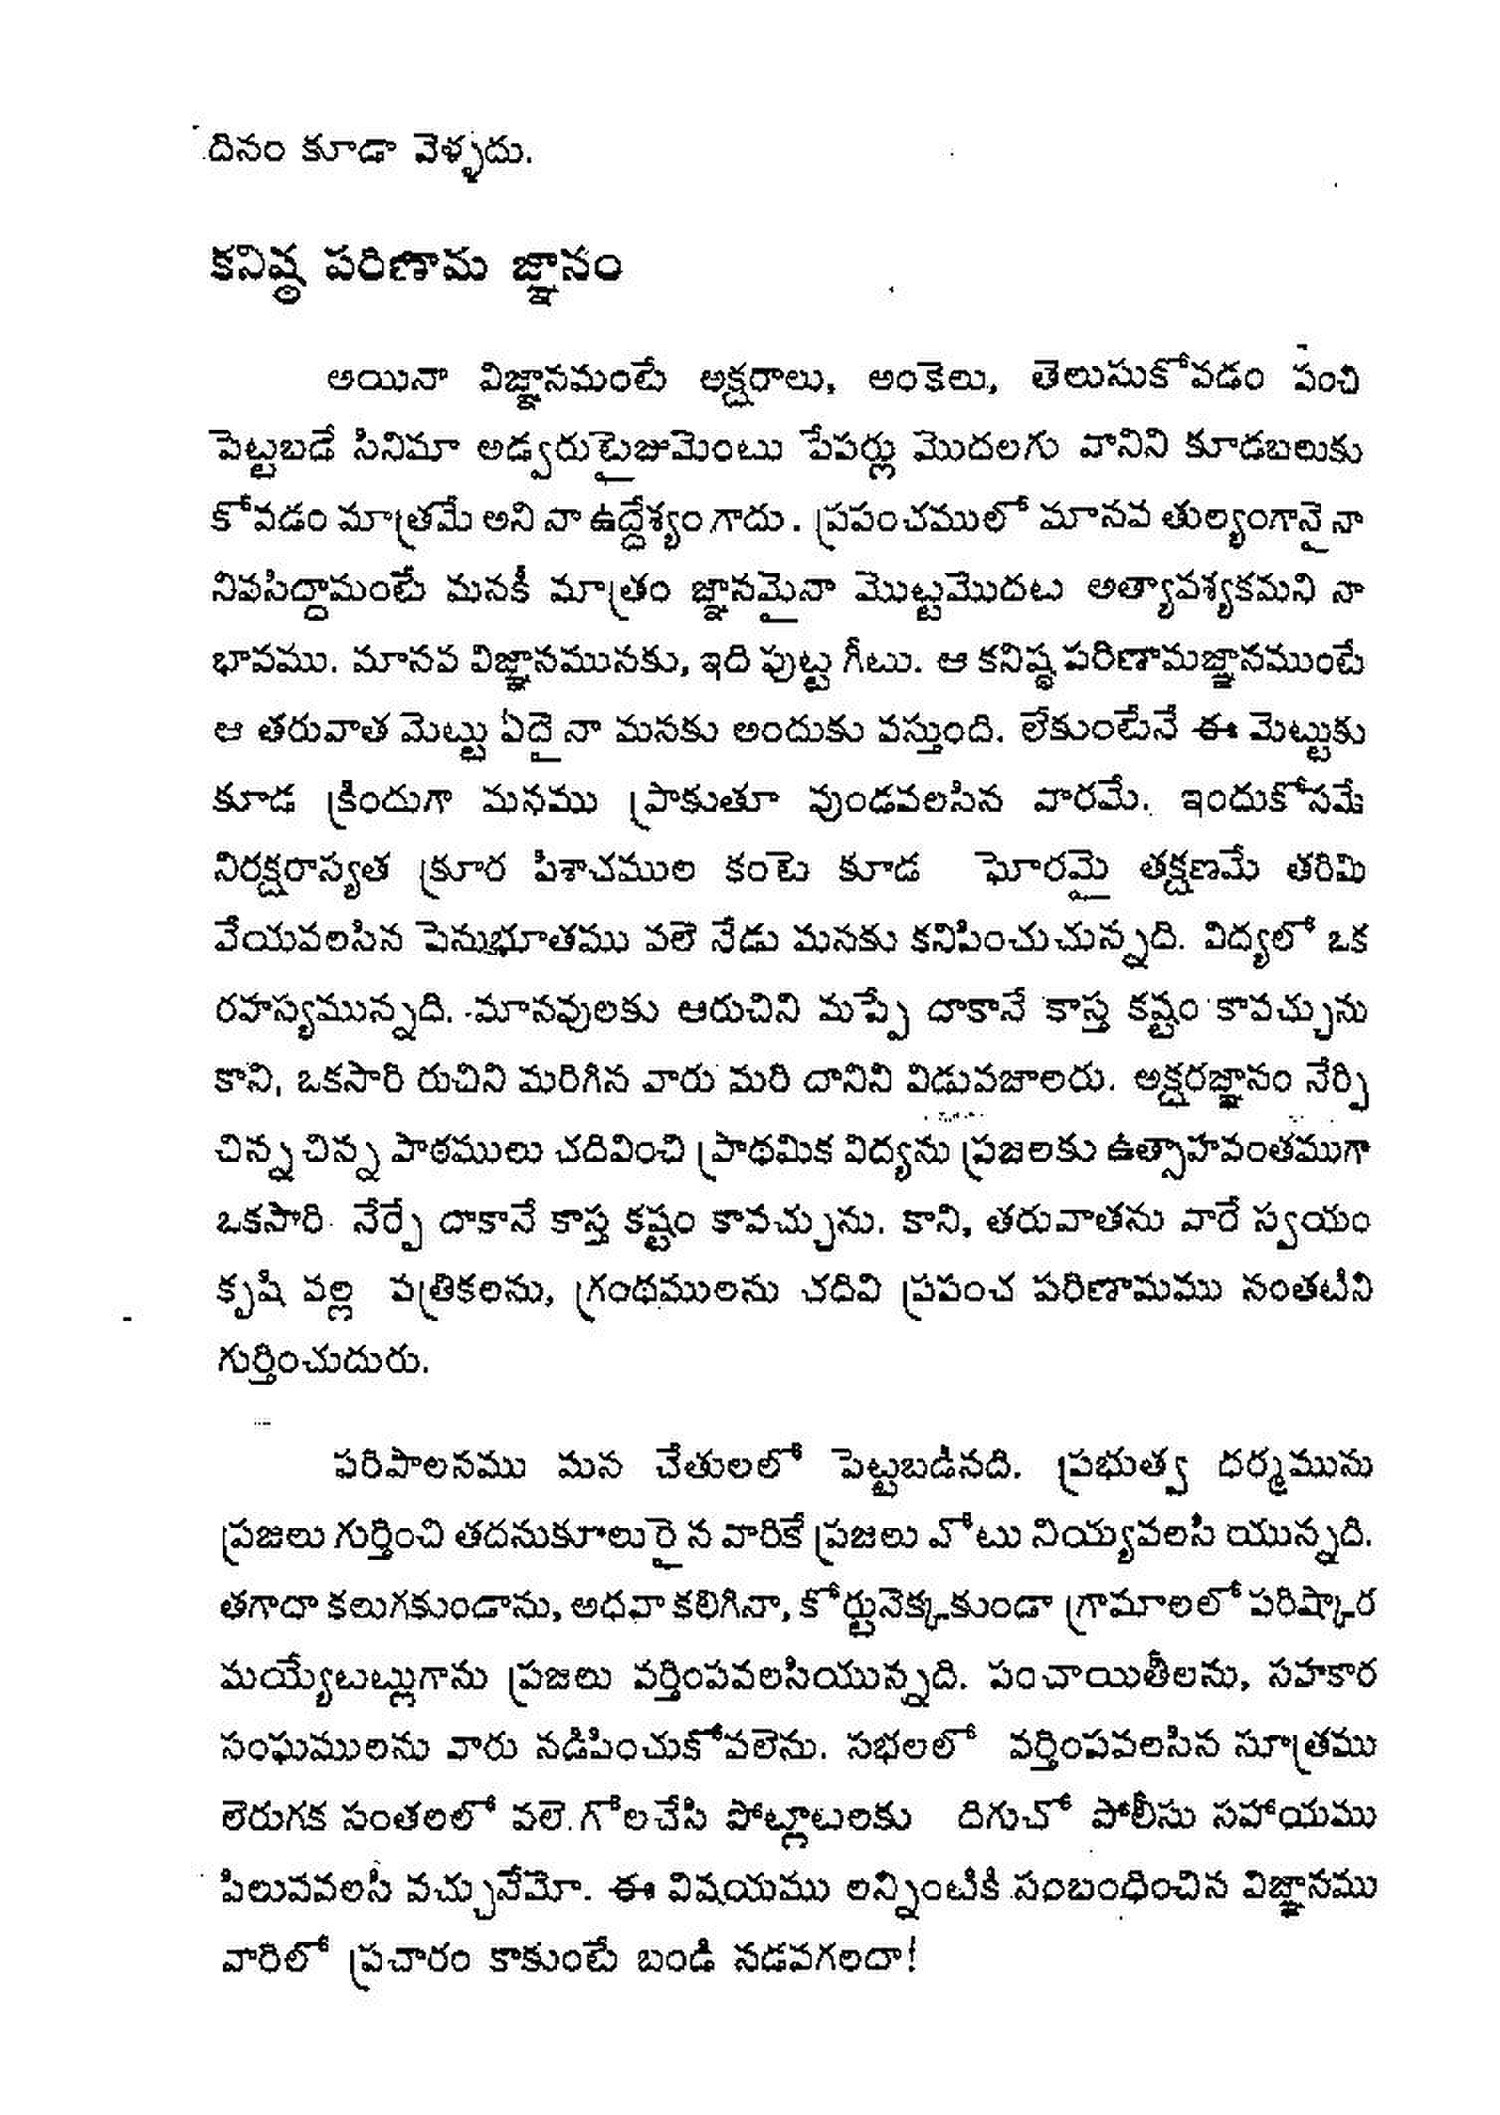దినం కూడా వెళ్ళదు.

కనిష్ఠ పరిణామ జ్ఞానం
 
అయినా విజ్ఞానమంటే అక్షరాలు, అంకెలు, తెలుసుకోవడం పంచిపెట్టబడే సినిమా అడ్వరుటైజుమెంటు పేపర్లు మొదలగు వానిని కూడబలుకు కోవడం మాత్రమే అని నాఉద్దేశ్యం గాదు. ప్రపంచములో మానవ తుల్యంగానైనా నివసిద్దామంటే మనకీ మాత్రం జ్ఞానమైనా మొట్టమొదట అత్యావశ్యకమని నాభావము. మానవ విజ్ఞానమునకు, ఇది పుట్ట గీటు ఆ కనిష్ఠ పరిణామజ్ఞానముంటే ఆ తరువాత మెట్టు ఏదైన మనకు అందుకు వస్తుంది. లేకుంటేనే ఈ మెట్టుకు కూడ క్రిందుగా మనము ప్రాకుతూ వుండవలసిన వారమే. ఇందుకోసమే నిరక్షరాస్యత క్రూర పిశాచముల కంటె కూడ ఘోరమై తక్షణమే తరిమివేయవలసిన పెనుభూతము వలె నేడు మనకు కనిపించుచున్నది. విద్యలో ఒక రహస్యమున్నది. మానవులకు ఆరుచిని మప్పే దాకానే కాస్త కష్టం కావచ్చును కాని, ఒకసారి రుచిని మరిగిన వారు మరి దానిని విడువజాలరు. అక్షరజ్ఞానం నేర్పి చిన్న చిన్న పాఠములు చదివించి ప్రాథమిక విద్యను ప్రజలకు ఉత్సాహవంతముగా ఒకసారి నేర్పే దాకానే కాస్త కష్టం కావచ్చును. కాని, తరువాతను వారే స్వయంకృషి వల్ల పత్రికలను, గ్రంథములను చదివి ప్రపంచ పరిణామము నంతటిని గుర్తించుదురు.

పరిపాలనము మన చేతులలో పెట్టబడినది. ప్రభుత్వ ధర్మమును ప్రజలు గుర్తించి తదనుకూలురైన వారికే ప్రజలు వోటు నియ్యవలసి యున్నది. తగాదా కలుగకుండాను, అధవా కలిగినా, కోర్టునెక్కకుండా గ్రామాలలో పరిష్కార మయ్యేటట్లుగాను ప్రజలు వర్తింపవలసియున్నది. పంచాయితీలను, సహకార సంఘములను వారు నడిపించుకోవలెను. సభలలో వర్తింపవలసిన సూత్రము లెరుగక సంతలలో వలె గోలచేసి పోట్లాటలకు దిగుచో పోలీసు సహాయము పిలువవలసి వచ్చునేమో. ఈ విషయము లన్నింటికి సంబంధించిన విజ్ఞానము వారిలో ప్రచారం కాకుంటే బండి నడవగలదా!